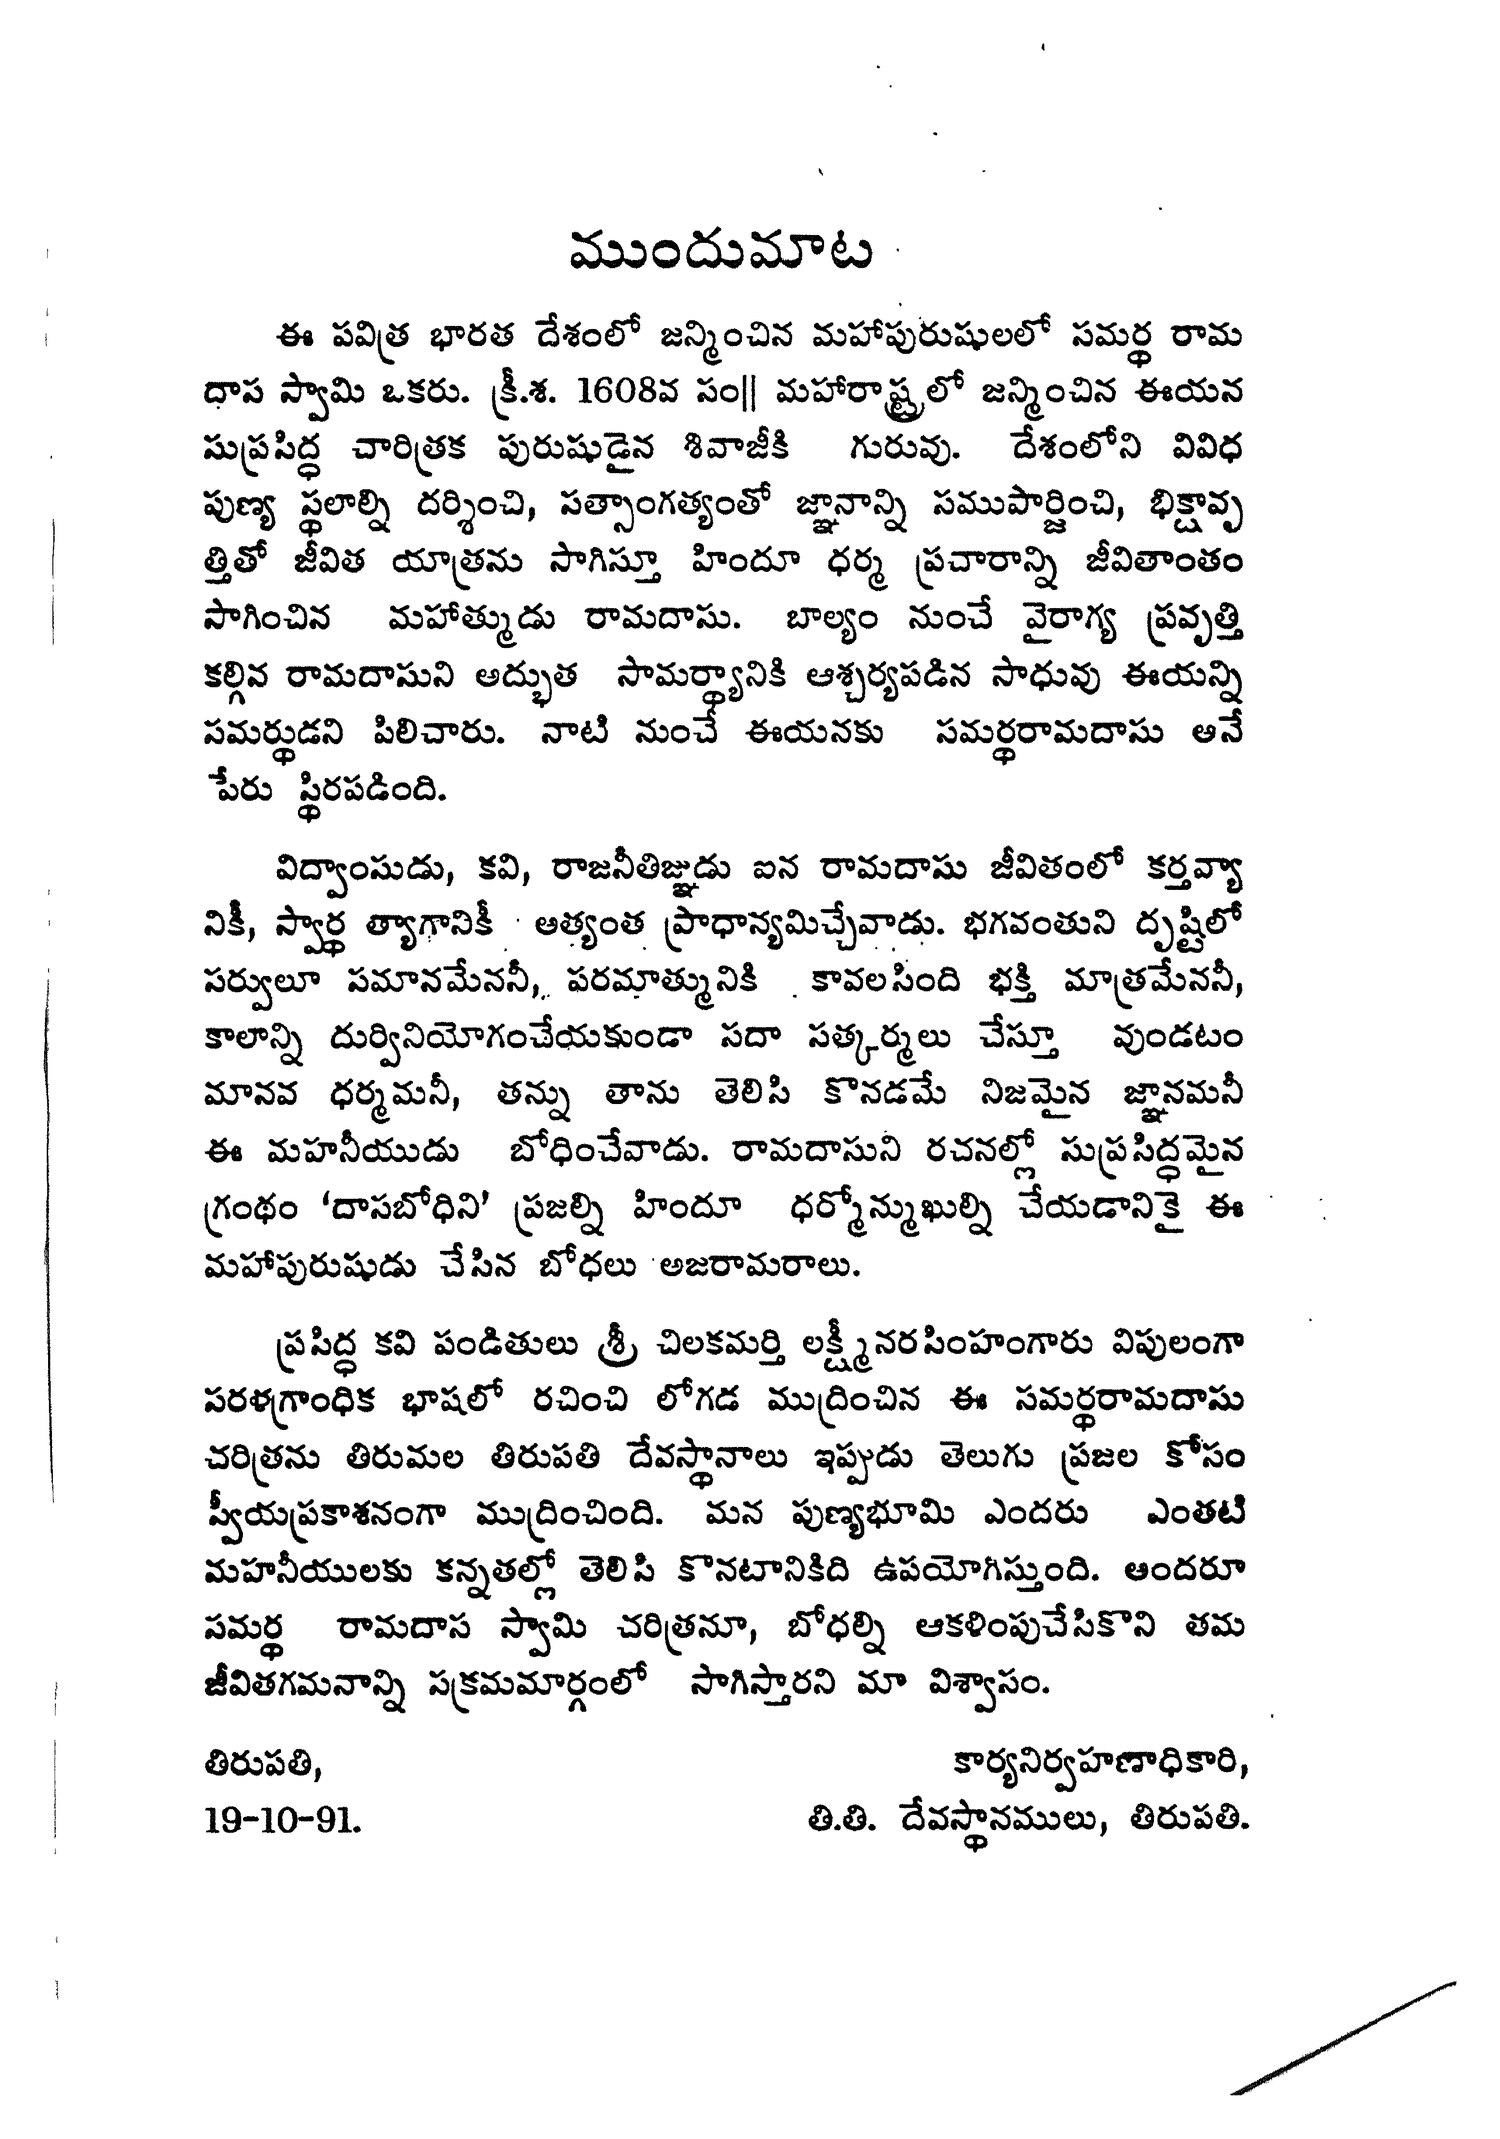ఈ పవిత్ర భారత దేశంలో జన్మించిన మహాపురుషులలో సమర్థ రామదాస స్వామి ఒకరు. క్రీ.శ. 1608 సం|| మహారాష్ట్రలో జన్మించిన ఈయన సుప్రసిద్ధ చారిత్రక పురుషుడైన శివాజీకి గురువు. దేశంలోని వివిధ పుణ్య స్థలాల్ని దర్శించి, సత్సాంగత్యంతో జ్ఞానాన్ని సముపార్జించి, భిక్షావృత్తితో జీవిత యాత్రను సాగిస్తూ హిందూ ధర్మ ప్రచారాన్ని జీవితాంతం సాగించిన మహాత్ముడు రామదాసు. బాల్యం నుంచే వైరాగ్య ప్రవృత్తి కల్గిన రామదాసుని అద్భుత సామర్థ్యానికి ఆశ్చర్యపడిన సాధువు ఈయన్ని సమర్థుడని పిలిచారు. నాటి నుంచే ఈయనకు సమర్థ రామదాసు అనే పేరు స్థిరపడింది.

విద్వాంసుడు, కవి, రాజనీతిజ్ఞఉడు ఐన రామదాసు జీవితంలో కర్తవ్యానికి, స్వార్థ త్యాగానికీ అత్యంత ప్రాధాన్యమిచ్చేవాడు. భగవంతుని దృష్టిలో సర్వులూ సమానమేనని, పరమాత్మునికీ కావలసింది భక్తి మాత్రమేననీ, కాలాన్ని దుర్వినియోగం చేయకుండా సదా సత్కర్మలు చేస్తూ వుండటం మానవ ధర్మమనీ, తన్ను తాను తెలిసి కొనడమే నిజమైన జ్ఞానమనీ ఈ మహనీయుడు బోధించేవాడు. రామదాసుని రచనల్లో సుప్రసిద్ధమైన గ్రంథం ' దాసబోధిని ' ప్రజల్ని హిందూ ధర్మోన్ముఖుల్ని చేయడానికై ఈ మహాపురుషుడు చేసిన బోధలు అజరామరాలు.

ప్రసిద్ధ కవి పండితులు శ్రీ చిలకమర్తి లక్ష్మీనరసింహంగారు విపులంగా సరళగ్రాంథిక భాషలో రచించి లోగడ ముద్రించిన ఈ సమర్థ రామదాసు చరిత్రను తిరుమల తిరుపతి దేవస్థానాలు ఇప్పుడు తెలుగు ప్రజల కోసం స్వీయప్రకాశనంగా ముద్రించింది. మన పుణ్యభూమి ఎందరు ఎంతటి మహనీయులకు కన్నతల్లో తెలిసి కొనటానికిది ఉపయోగిస్తుంది. అందరూ సమర్థ రామదాస స్వామి చరిత్రనూ, బోధల్ని ఆకళింపుచేసికొని తమ జీవితగమనాన్ని సక్రమమార్గంలో సాగిస్తారని మా విశ్వాసం.

తిరుపతి, కార్యనిర్వహణాధికారి,
19-10-91. తి. తి. దేవస్థానములు, తిరుపతి.